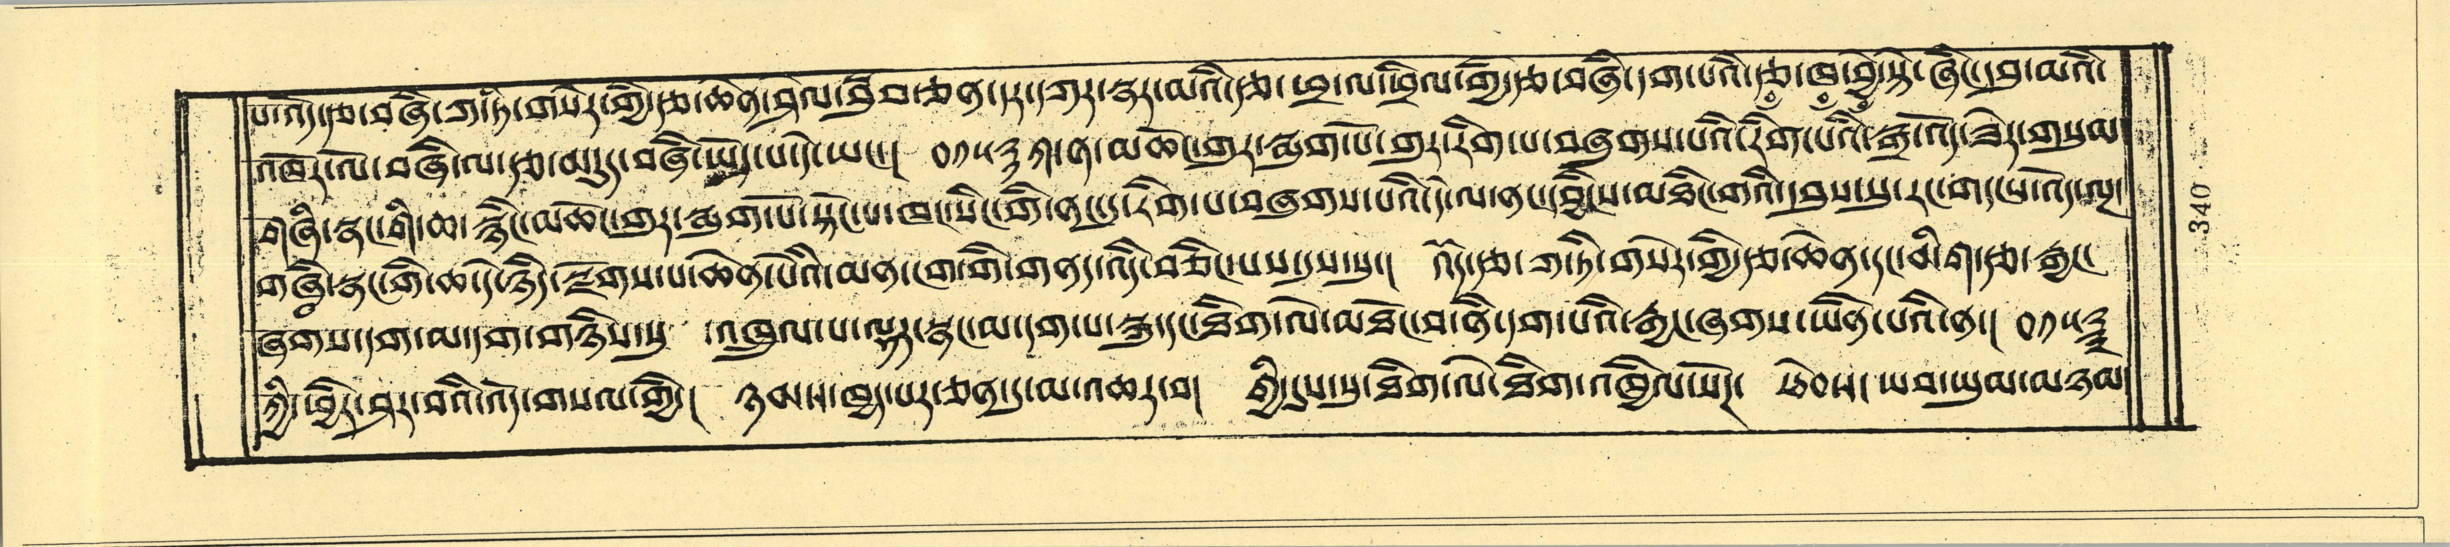པ་འོད་རྩ་བཞི་ཀ་ཏི་གསེར་གྱི་རྩ་ཆེན་ཤེལ་སྦུབ་ཅན་དར་དཀར་སྣར་མའི་རྩ་ཕྲ་ལ་ཕྲིལ་གྱི་རྩ་བཞི་དག་པའི་རྩ་ཁ་བྱེ་སྟེ་ཞིང་དབུ་མའི་
འཁོར་ལོ་བཞི་ལ་རྩ་མདུད་བཞི་ཡོད་པ་དེ་ཡང། བ༡༥༢།༡ཀ་ན་མཆོང་གུར་སྨུག་པོ་གུར་རིག་པ་བཞུགས་པའི་རིག་པའི་སྒྲ་འོད་ཟེར་གསུམ་ 
གཞི་སྣང་གི་ཆ་སྙིང་མཆོང་གུར་སྨུག་པོ་སྟོང་པ་ཁང་སིང་གི་ནང་དུ་རིག་པ་བཞུགས་པའི་དེ་ལ་ནང་དབྱིངས་མཐིང་གའི་དབུས་སུ་རང་གདངས་འོད་ལྔ་
གཞི་སྣང་གི་ཆ་དེ་ཉིད་སྫོགས་པ་ཆེན་པོའི་མན་ངག་གི་གནད་འདི་བཅིང་པས་དུས་སུ། འོད་རྩ་ཀ་ཏི་གསེར་གྱི་རྩ་ཆེན་དང་མིག་རྩ་རྒྱང་
ཞགས་དག་མ་དག་གཉིས་སུ། འཁྲུལ་པ་ལྟར་སྣང་མ་དག་པ་སྐུ་དང་ཐིག་ལེ་མཐོང་བ་ནི་དག་པའི་རྒྱང་ཞགས་ཡིན་པའི་ན། བ༡༥༢།༣ 
ཀྱི་ཕྱིར་ཤར་བའི་འོད་གསལ་གྱི། ཉམས་ཁྱད་པར་ཅན་དུ་མ་འཆར་བ། གྱི་དུས་སུ་ཐིག་ལེ་ཐིག་འཁྱིལ་སོགས། ཕེབས་ཡབ་ཡུམ་མཉམ་